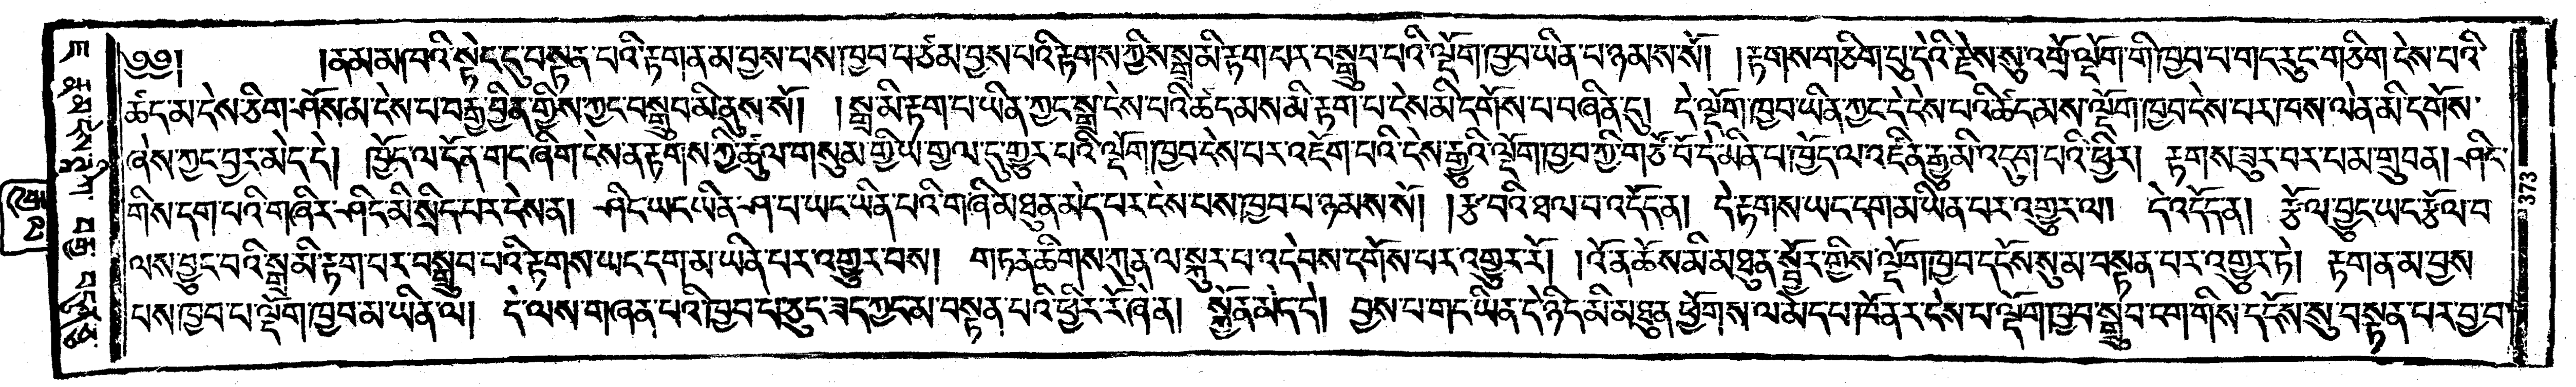༄༅། །ནམ་མཁའི་སྟེང་དུ་བསྟན་པའི་རྟག་ན་མ་བྱས་པས་ཁྱབ་པ་ཙམ་བྱས་པའི་རྟགས་ཀྱིས་སྒྲ་མི་རྟག་པར་བསྒྲུབ་པའི་ལྡོག་ཁྱབ་ཡིན་པ་ཉམས་སོ། །རྟགས་གཅིག་པུ་དེའི་རྗེས་སུ་འགྲོ་ལྡོག་གི་ཁྱབ་པ་གང་རུང་གཅིག་ངེས་པའི་
ཚད་མ་དེས་ཅིག་ཤོས་མ་ངེས་པ་བརྒྱ་བྱིན་གྱིས་ཀྱང་བསྒྲུབ་མི་ནུས་སོ། །སྒྲ་མི་རྟག་པ་ཡིན་ཀྱང་སྒྲ་ངེས་པའི་ཚད་མས་མི་རྟག་པ་ངེས་མི་དགོས་པ་བཞིན་དུ། དེ་ལྡོག་ཁྱབ་ཡིན་ཀྱང་དེ་ངེས་པའི་ཚད་མས་ལྡོག་ཁྱབ་ངེས་པར་ཁས་ལེན་མི་དགོས་
ཞེས་ཀྱང་བྱར་མེད་དེ། ཁྱོད་ལ་དོན་གང་ཞིག་ངེས་ན་རྟགས་ཀྱི་ཚུལ་གསུམ་གྱི་ཡ་གྱལ་དུ་གྱུར་པའི་ལྡོག་ཁྱབ་ངེས་པར་འཇོག་པའི་ངེས་རྒྱུའི་ལྡོག་ཁྱབ་ཀྱི་གཙོ་བོ་དེ་མིན་པ་ཁྱོད་ལ་འཛིན་རྒྱུ་མི་འདུག་པའི་ཕྱིར། རྟགས་ཟུར་བར་པ་མ་གྲུབ་ན། ཤིང་
གིས་དག་པའི་གཞིར་ཤིང་མི་སྲིད་པར་ངེས་ན། ཤིང་ཡང་ཡིན་ཤ་པ་ཡང་ཡིན་པའི་གཞི་མཐུན་མེད་པར་ངེས་པས་ཁྱབ་པ་ཉམས་སོ། །རྩ་བའི་ཐལ་བ་འདོད་ན། དེ་རྟགས་ཡང་དག་མ་ཡིན་པར་འགྱུར་ལ། དེ་འདོད་ན། རྩོལ་བྱུང་ཡང་རྩོལ་བ་
ལས་བྱུང་བའི་སྒྲ་མི་རྟག་པར་བསྒྲུབ་པའི་རྟགས་ཡང་དག་མ་ཡིན་པར་འགྱུར་བས། གཏན་ཚིགས་ཀུན་ལ་སྐུར་པ་འདེབས་དགོས་པར་འགྱུར་རོ། །འོ་ན་ཆོས་མི་མཐུན་སྦྱོར་གྱིས་ལྡོག་ཁྱབ་དངོས་སུ་མ་བསྟན་པར་འགྱུར་ཏེ། རྟག་ན་མ་བྱས་
པས་ཁྱབ་པ་ལྡོག་ཁྱབ་མ་ཡིན་ལ། དེ་ལས་གཞན་པའི་ཁྱབ་པ་ཅུང་ཟད་ཀྱང་མ་བསྟན་པའི་ཕྱིར་རོ་ཞེ་ན། སྐྱོན་མེད་དེ། བྱས་པ་གང་ཡིན་དེ་ཉིད་མི་མཐུན་ཕྱོགས་ལ་མེད་པ་ཁོ་ནར་ངེས་པ་ལྡོག་ཁྱབ་སྒྲུབ་ངག་གིས་དངོས་སུ་བསྟན་པར་བྱ་བ་